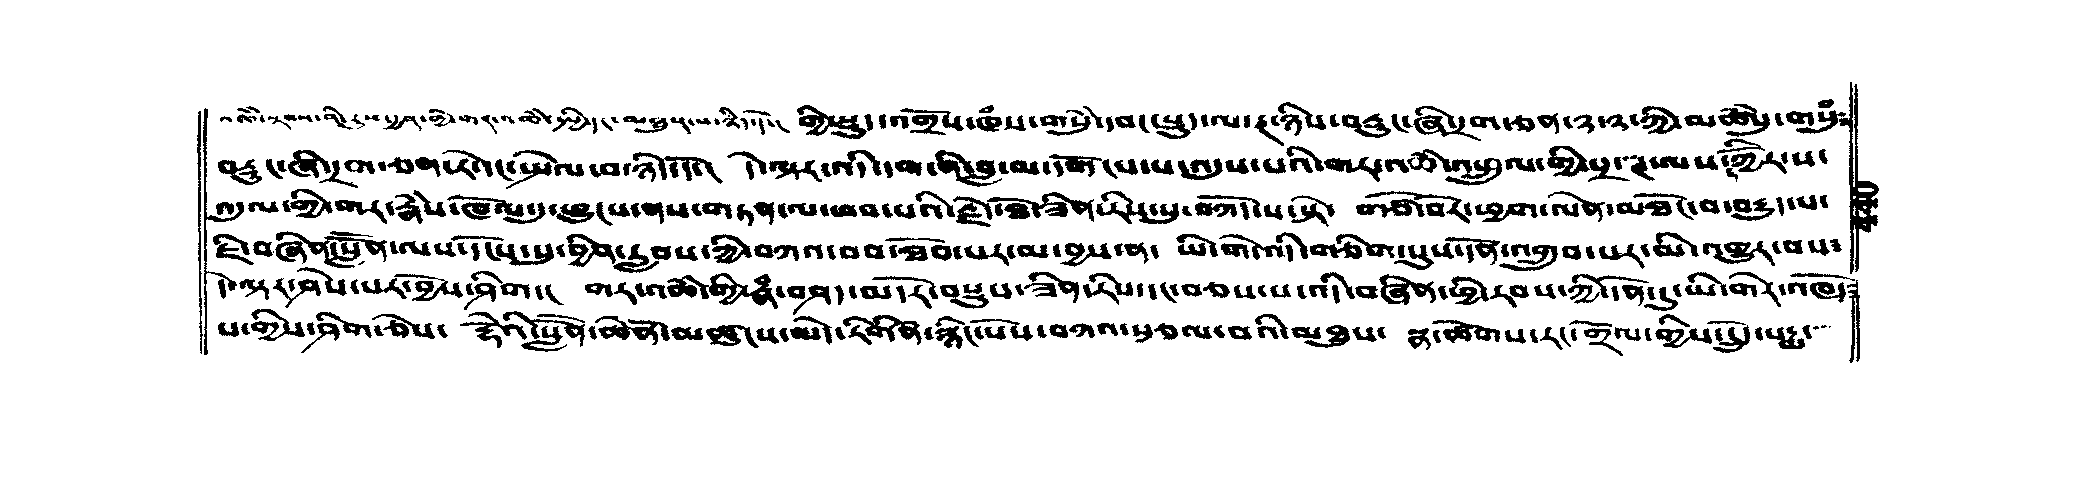འཆམ་སྟབས་ནི་རུས་རྒྱན་གྱི་གར་འཆམ་་སྤྱི་དང་མཐུན་པ་ཉིད་དོ། གྱི་སྡུད་འགྲོས་ཁམས་གསུམ་དབང་སྡུད་ལ་རྔ་ཉིས་བརྡུང་ཞི་དྲག་ཅན་གཉིས་གཉིས་ཀྱི་མཚམས་སུ་གསུམ་
བརྡུང་ཞི་དྲག་ཅན་རེ་དང་སྤེལ་བ་ཉིད་དོ། དེ་ལྟར་འདི་དག་ནི་བླ་མ་དགོངས་པ་འདུས་པའི་གར་འཆམ་འཕྲུལ་གྱི་པྲ་ཊ་ལས་དཀྱིལ་འཁོར་ས་
འདུལ་གྱི་གར་རྣམས་ཁོལ་དུ་ཕྱུངས་ནས་གཏན་ལ་ཕབ་པའི་རྗེད་ཐོ་ཟིན་རིས་སུ་བཀོད་པ་སྟེ། གཙོ་བོར་ཕྱག་ལེན་མཐོང་བ་བརྒྱུད་པ་
ཇི་བཞིན་སློབ་དཔོན་ལས་དངོས་སུ་བྱིན་རླབས་ཀྱི་བཀའ་བབ་ཐོབ་པར་མ་བྱས་ན། ཡི་གེ་འདི་གཅིག་པུས་དོན་འགྲུབ་པར་མི་འགྱུར་བས་
དེ་ལྟར་ཤེས་པར་་བྱོས་ཤིག་གར་འཆམ་གྱི་རྣམ་བཤད་མདོར་བསྡུས་ཟིན་རིས་དང་བཅས་པ་འདི་བཞིན་ཕྱི་རབས་ཀྱི་དོན་དུ་ཡི་གེར་འཁོད་
པ་གྱིས་ཤིག་ཅེས། རྡོ་རྗེའི་སློབ་དཔོན་ཆེན་པོ་མཚུངས་མེད་རིག་འཛིན་སྙིང་པོས་བཀའ་སྩལ་བའི་མཐུས། སྣ་ཚོགས་རང་གྲོལ་གྱིས་དུད་ཁྲོད་པདྨ་